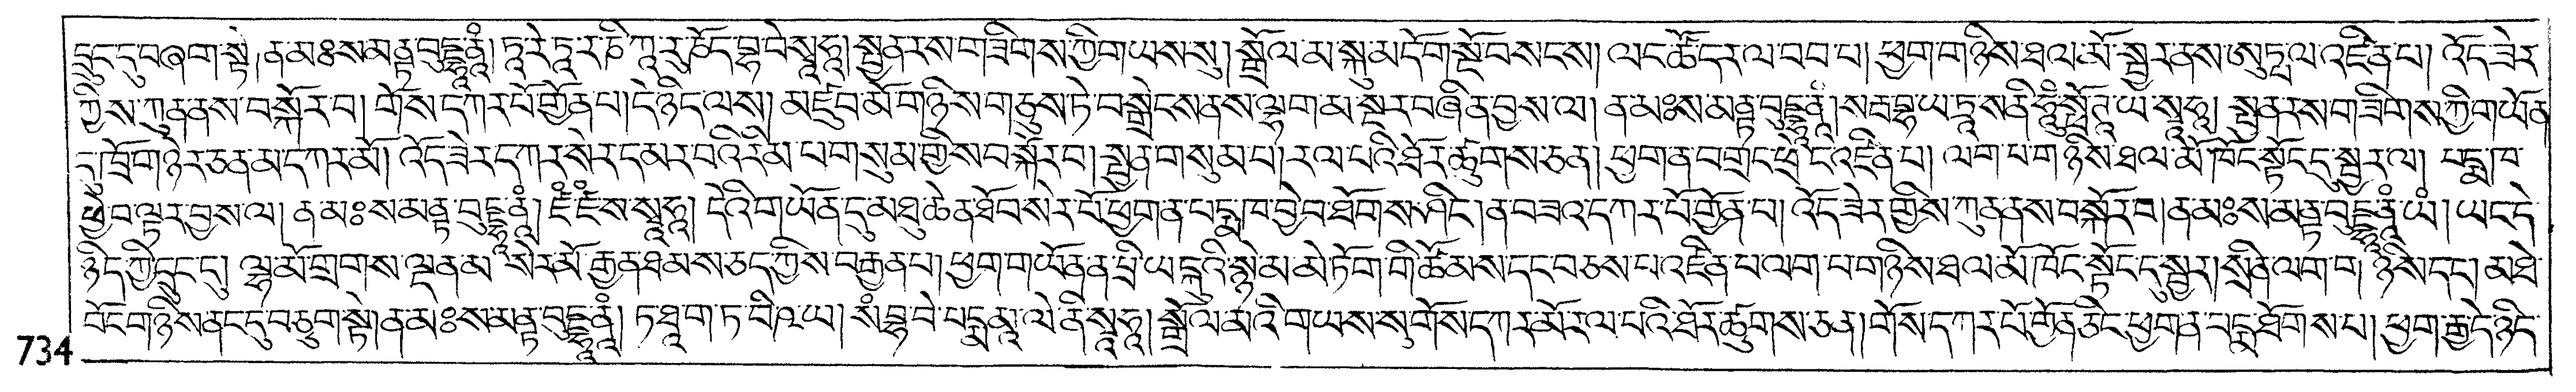དྲུང་དུ་བཞག་སྟེ། ན་མཿ ས་མནྟ་བུདྡྷཱ་ནཱཾ། ཏཱ་རེ་ཏཱ་ར་ཎི་ཀཱ་རུ་ཎོད་བྷ་བེ་སྭཱཧཱ། སྤྱན་རས་གཟིགས་ཀྱི་གཡས་སུ། སྒྲོལ་མ་སྐུ་མདོག་སྔོ་བསངས། ལང་ཚོ་དར་ལ་བབ་པ། ཕྱག་གཉིས་ཐལ་མོ་སྦྱར་ནས་ཨུཏྤ་ལ་འཛིན་པ། འོད་ཟེར་
ཀྱིས་ཀུན་ནས་བསྐོར་བ། གོས་དཀར་པོ་གྱོན་པ། དེ་ཉིད་ལས། མཛུབ་མོ་གཉིས་གཅུས་ཏེ་བསྒྲེངས་ནས་ལྷག་མ་སྔར་བཞིན་བྱས་ལ། ན་མཿ ས་མནྟ་བུདྡྷཱ་ནཱཾ། སརྦ་བྷ་ཡ་ཏྲཱ་ས་ནི་ཧཱུཾ་སྥོ་ཊཱ་ཡ་སྭཱཧཱ། སྤྱན་རས་གཟིགས་ཀྱི་གཡོན་
དུ་ཁྲོ་གཉེར་ཅན་མ་དཀར་མོ། འོད་ཟེར་དཀར་སེར་དམར་བའི་རིམ་པ་གསུམ་གྱིས་བསྐོར་བ། སྤྱན་གསུམ་པ། རལ་པའི་ཐོར་ཚུགས་ཅན། ཕྱག་ན་བགྲང་ཕྲེང་འཛིན་པ། ལག་པ་གཉིས་ཐལ་མོ་ཁོང་སྟོང་དུ་སྦྱར་ལ། པདམ་ཁ་
ཕྱེ་བ་ལྟར་བྱས་ལ། ན་མཿ ས་མནྟ་བུདྡྷཱ་ནཱཾ། ཛཾ་ཛཾ་ས་སྭཱཧཱ། དེའི་གཡོན་དུ་མཐུ་ཆེན་ཐོབ་སེར་པོ་ཕྱག་ན་པདམ་ཁ་བྱེ་བ་ཐོགས་ཤིང་། ན་བཟའ་དཀར་པོ་གྱོན་པ། འོད་ཟེར་གྱིས་ཀུན་ནས་བསྐོར་བ། ན་མཿ ས་མནྟ་བུདྡྷཱ་ནཱཾ་ཡཾ། ཡང་དེ་
ཉིད་ཀྱི་དྲུང་དུ། ལྷ་མོ་གྲགས་ལྡན་མ་སེར་མོ་རྒྱན་ཐམས་ཅད་ཀྱིས་བརྒྱན་པ། ཕྱག་གཡོན་ན་པྲི་ཡངྐུའི་སྙེ་མ་མེ་ཏོག་གི་ཚོམས་དང་བཅས་པ་འཛིན་པ་ལག་པ་གཉིས་ཐལ་མོ་ཁོང་སྟོང་དུ་སྦྱར། སྲིན་ལག་གཉིས་དང་། མཐེ་
བོང་གཉིས་ནང་དུ་བཅུག་སྟེ། ན་མཿ ས་མནྟ་བུདྡྷཱ་ནཱཾ། ཏ་ཐཱ་ག་ཏ་བི་ཥ་ཡ། སཾ་བྷ་བེ་པདམ་མཱ་ལེ་ནི་སྭཱཧཱ། སྒྲོལ་མའི་གཡས་སུ་གོས་དཀར་མོ་རལ་པའི་ཐོར་ཚུགས་ཅན། གོས་དཀར་པོ་གྱོན་ཅིང་ཕྱག་ན་པདམ་ཐོགས་པ། ཕྱག་རྒྱ་དེ་ཉིད་